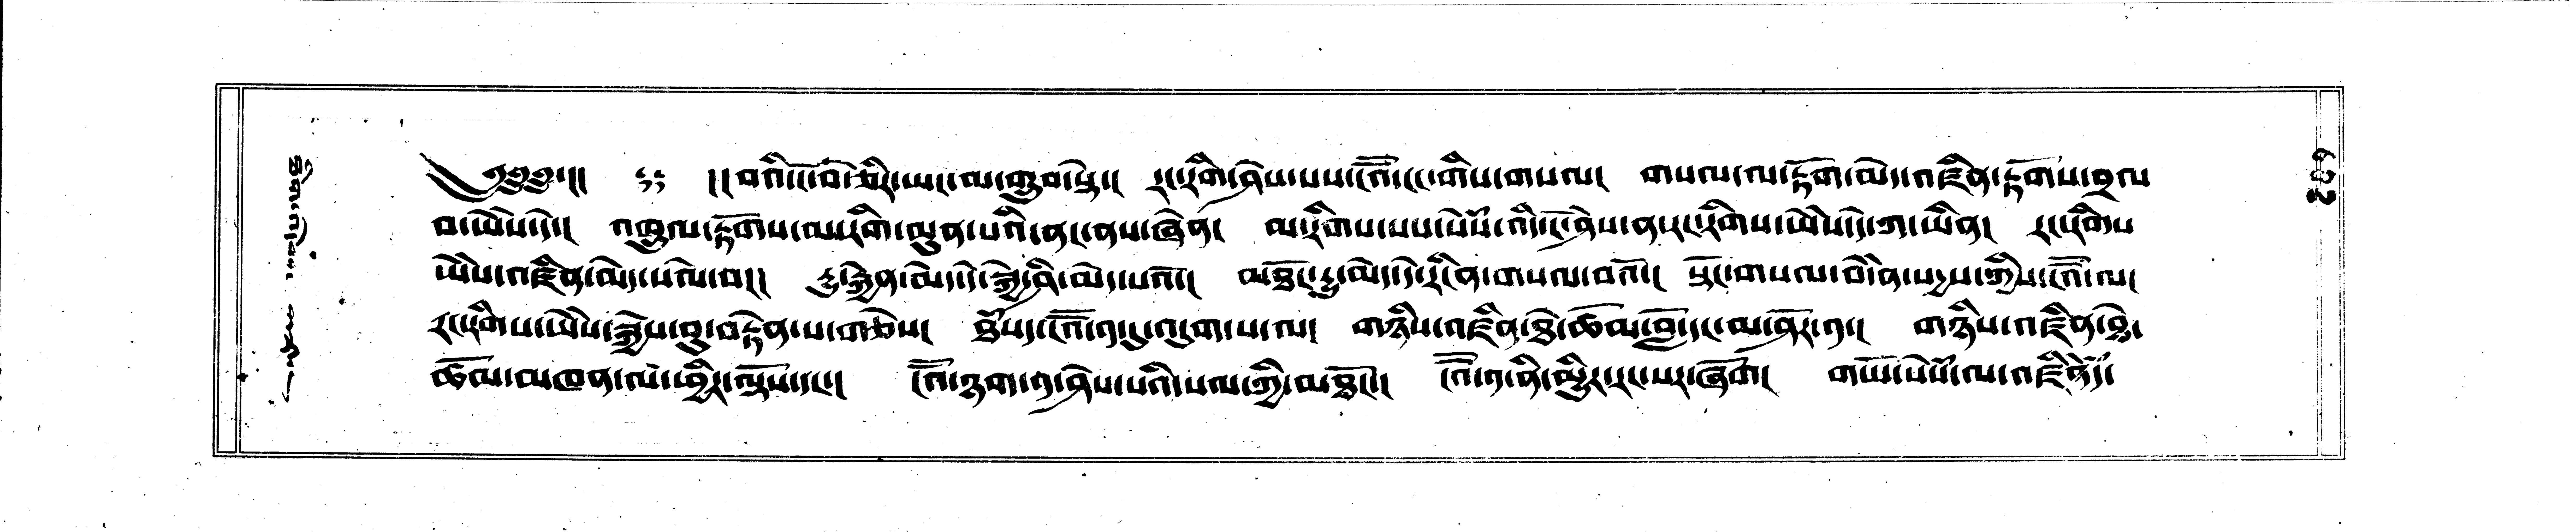བའི་ངོའོ་ཅིར་ཡང་མ་གྲུབ་སྟེ། རང་རིག་ཤེས་པའི་ངོའོ་ངང་གིས་གསལ། གསལ་ལ་རྟོག་མེད་འཛིན་བྲལ་
ཡེ་ཤེས་སྟེ། འཁྲུལ་རྟོག་མ་རིག་མུན་པའི་ནང་ན་ཞེན། མ་རིག་པ་དེ་ངོ་ཤེས་ན། རང་རིག་ཡེ་ཤེས་དེ་ཀ་ཡིན། རང་རིག་
ཡེ་ཤེས་འཛིན་མེད་སལེ་བ། རྒྱུ་རྐྱེན་མེད་དེ་སྐྱེ་ཤི་མེད་པའོ། མཐོང་རྒྱུ་མེད་དེ་རང་བཞིན་གསལ་བའོ། སྟོང་གསལ་བདེ་ཆེན་སངས་རྒྱས་ཀྱིས་ངོའོ་ལ།
 རང་རིག་ཡེ་ཤེས་སྐྱེས་བུ་བརྟེན་པ་གཅེས། ཐམས་ཅད་ངོའོ་གཅིག་ཏུ་འདུས་པ་ལ། གཉིས་འཛིན་ཐེ་ཚོམ་གྱིས་བློ་ལ་མ་ཤོར་ཅིག གཉིས་འཛིན་ཐེ་
ཚོམ་མཁན་ལ་ཕྱིེར་ལྟོས་དང་། ངོའོ་ཉག་གཅིག་ཤེས་པ་སལ་གྱིས་མཐོང་། ངོའོ་གཅིག་ནི་མི་འགྱུར་རང་སར་ཞོག གཡོ་མེད་སེམས་ལ་འཛིན་མེད་